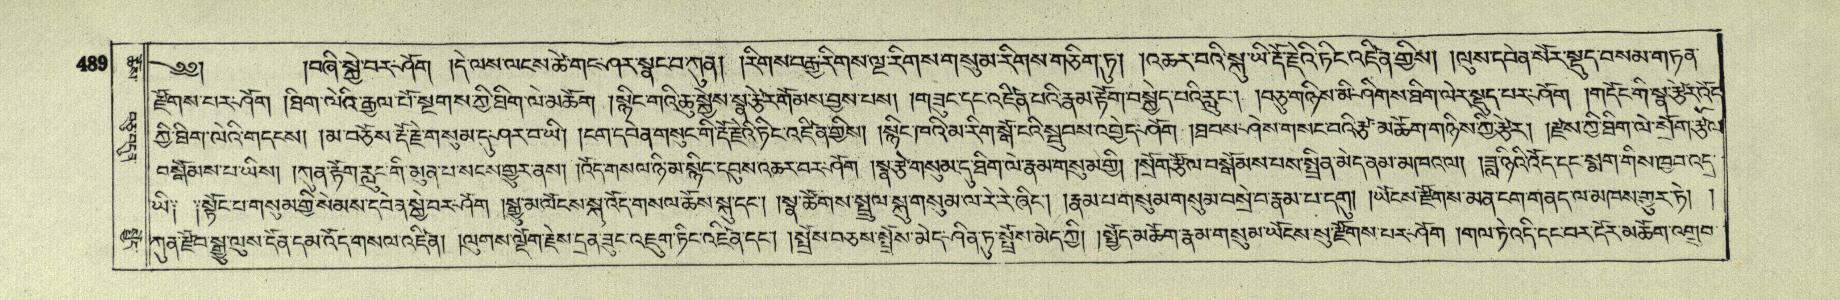༄༅། །བཞི་སྐྱེ་བར་ཤོག །དེ་ལས་ལངས་ཚེ་གང་ཤར་སྣང་བ་ཀུན། །རིགས་བརྒྱ་རིགས་ལྔ་རིགས་གསུམ་རིགས་གཅིག་ཏུ། །འཆར་བའི་སྐུ་ཡི་རྡོ་རྗེའི་ཏིང་འཛིན་གྱིས། །ལུས་དབེན་སོར་སྡུད་བསམ་གཏན་
རྫོགས་པར་ཤོག །ཐིག་ལེའི་རྒྱལ་པོ་སྔགས་ཀྱི་ཐིག་ལེ་མཆོག །སྙིང་གའི་ཆུ་སྐྱེས་སྣ་རྩེར་གོམས་བྱས་པས། །གཟུང་དང་འཛིན་པའི་རྣམ་རྟོག་བསྐྱེད་པའི་རླུང་། །བཅུ་གཉིས་མི་ཤིགས་ཐིག་ལེར་སྡུད་པར་ཤོག །གདོང་གི་སྣ་རྩེར་འོད་
ཀྱི་ཐིག་ལེའི་གདངས། །མ་བཅོས་རྡོ་རྗེ་གསུམ་དུ་ཤར་བ་ཡི། །ངག་དབེན་གསུང་གི་རྡོ་རྗེའི་ཏིང་འཛིན་གྱིས། །སྙིང་ཁའི་མ་རིག་སྒོ་ངའི་སྦུབས་འབྱེད་ཤོག །ཐབས་ཤེས་གསང་བའི་རྩ་མཆོག་གཉིས་ཀྱི་རྩེར། །རྫས་ཀྱི་ཐིག་ལེ་སྲོག་རྩོལ་
བསྒོམས་པ་ཡིས། །ཀུན་རྟོག་རླུང་གི་མུན་པ་སངས་གྱུར་ནས། །འོད་གསལ་ཉི་མ་སྙིང་དབུས་འཆར་བར་ཤོག །སྣ་རྩེ་གསུམ་དུ་ཐིག་ལེ་རྣམ་གསུམ་གྱི། །སྲོག་རྩོལ་བསྒོམས་པས་སྤྲིན་མེད་ནམ་མཁའ་ལ། །ཟླ་ཉིའི་འོད་དང་སྨག་གིས་ཁྱབ་འདྲ་
ཡི༑ ༑སྟོང་པ་གསུམ་གྱི་སེམས་དབེན་སྐྱེ་བར་ཤོག །སྒྱུ་མ་ལོངས་སྐུ་འོད་གསལ་ཆོས་སྐུ་དང་། །སྣ་ཚོགས་སྤྲུལ་སྐུ་གསུམ་ལ་རེ་རེ་ཞིང་། །རྣམ་པ་གསུམ་གསུམ་བསྲེ་བ་རྣམ་པ་དགུ། །ཡོངས་རྫོགས་མན་ངག་གནད་ལ་མཁས་གྱུར་ཏེ། །
ཀུན་རྫོབ་སྒྱུ་ལུས་དོན་དམ་འོད་གསལ་འཛིན། །ལུགས་ལྡོག་རྗེས་དྲན་ཟུང་འཇུག་ཏིང་འཛིན་དང་། །སྤྲོས་བཅས་སྤྲོས་མེད་ཤིན་ཏུ་སྤྲོས་མེད་ཀྱི། །སྤྱོད་མཆོག་རྣམ་གསུམ་ཡོངས་སུ་རྫོགས་པར་ཤོག །གལ་ཏེ་འདི་དང་བར་དོར་མཆོག་འགྲུབ་